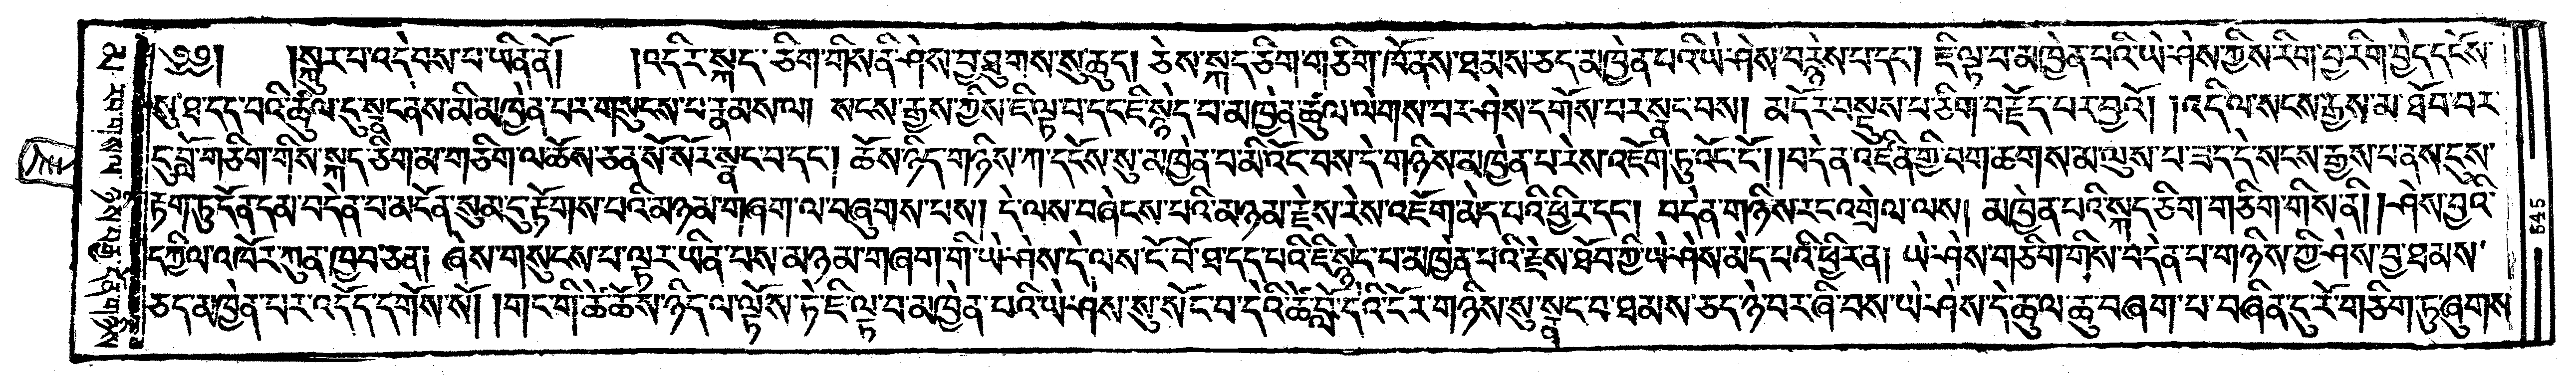༄༅། །སྐུར་བ་འདེབས་པ་ཡིན་ནོ། །འདིར་སྐད་ཅིག་གིས་ནི་ཤེས་བྱ་ཐུགས་སུ་ཆུད། ཅེས་སྐད་ཅིག་གཅིག་ཁོ་ནས་ཐམས་ཅད་མཁྱེན་པའི་ཡེ་ཤེས་བརྙེས་པ་དང་། ཇི་ལྟ་བ་མཁྱེན་པའི་ཡེ་ཤེས་ཀྱིས་རིག་བྱ་རིག་བྱེད་དངོས་
སུ་ཐ་དད་པའི་ཚུལ་དུ་སྣང་ནས་མི་མཁྱེན་པར་གསུངས་པ་རྣམས་ལ། སངས་རྒྱས་ཀྱིས་ཇི་ལྟ་བ་དང་ཇི་སྙེད་པ་མཁྱེན་ཚུལ་ལེགས་པར་ཤེས་དགོས་པར་སྣང་བས། མདོར་བསྡུས་པ་ཅིག་བརྗོད་པར་བྱའོ། །འདི་ལ་སངས་རྒྱས་མ་ཐོབ་པར་
དུ་བློ་གཅིག་གིས་སྐད་ཅིག་མ་གཅིག་ལ་ཆོས་ཅན་སོ་སོར་སྣང་བ་དང་། ཆོས་ཉིད་གཉིས་ཀ་དངོས་སུ་མཁྱེན་པ་མི་འོང་བས་དེ་གཉིས་མཁྱེན་པ་རེས་འཇོག་ཏུ་འོང་ངོ། །བདེན་འཛིན་གྱི་བག་ཆགས་མ་ལུས་པ་ཟད་དེ་སངས་རྒྱས་པ་ནས་དུས་
རྟག་ཏུ་དོན་དམ་བདེན་པ་མངོན་སུམ་དུ་རྟོགས་པའི་མཉམ་གཞག་ལ་བཞུགས་པས། དེ་ལས་བཞེངས་པའི་མཉམ་རྗེས་རེས་འཇོག་མེད་པའི་ཕྱིར་དང་། བདེན་གཉིས་རང་འགྲེལ་ལས། མཁྱེན་པའི་སྐད་ཅིག་གཅིག་གིས་ནི། །ཤེས་བྱའི་
དཀྱིལ་འཁོར་ཀུན་ཁྱབ་ཅན། ཞེས་གསུངས་པ་ལྟར་ཡིན་པས་མཉམ་གཞག་གི་ཡེ་ཤེས་དེ་ལས་ངོ་བོ་ཐ་དད་པའི་ཇི་སྙེད་པ་མཁྱེན་པའི་རྗེས་ཐོབ་ཀྱི་ཡེ་ཤེས་མེད་པའི་ཕྱིར་ན། ཡེ་ཤེས་གཅིག་གིས་བདེན་པ་གཉིས་ཀྱི་ཤེས་བྱ་ཐམས་
ཅད་མཁྱེན་པར་འདོད་དགོས་སོ། །གང་གི་ཚེ་ཆོས་ཉིད་ལ་ལྟོས་ཏེ་ཇི་ལྟ་བ་མཁྱེན་པའི་ཡེ་ཤེས་སུ་སོང་བ་དེའི་ཚེ་བློ་དེའི་ངོར་གཉིས་སུ་སྣང་བ་ཐམས་ཅད་ཉེ་བར་ཞི་བས་ཡེ་ཤེས་དེ་ཆུ་ལ་ཆུ་བཞག་པ་བཞིན་དུ་རོ་གཅིག་ཏུ་ཞུགས་